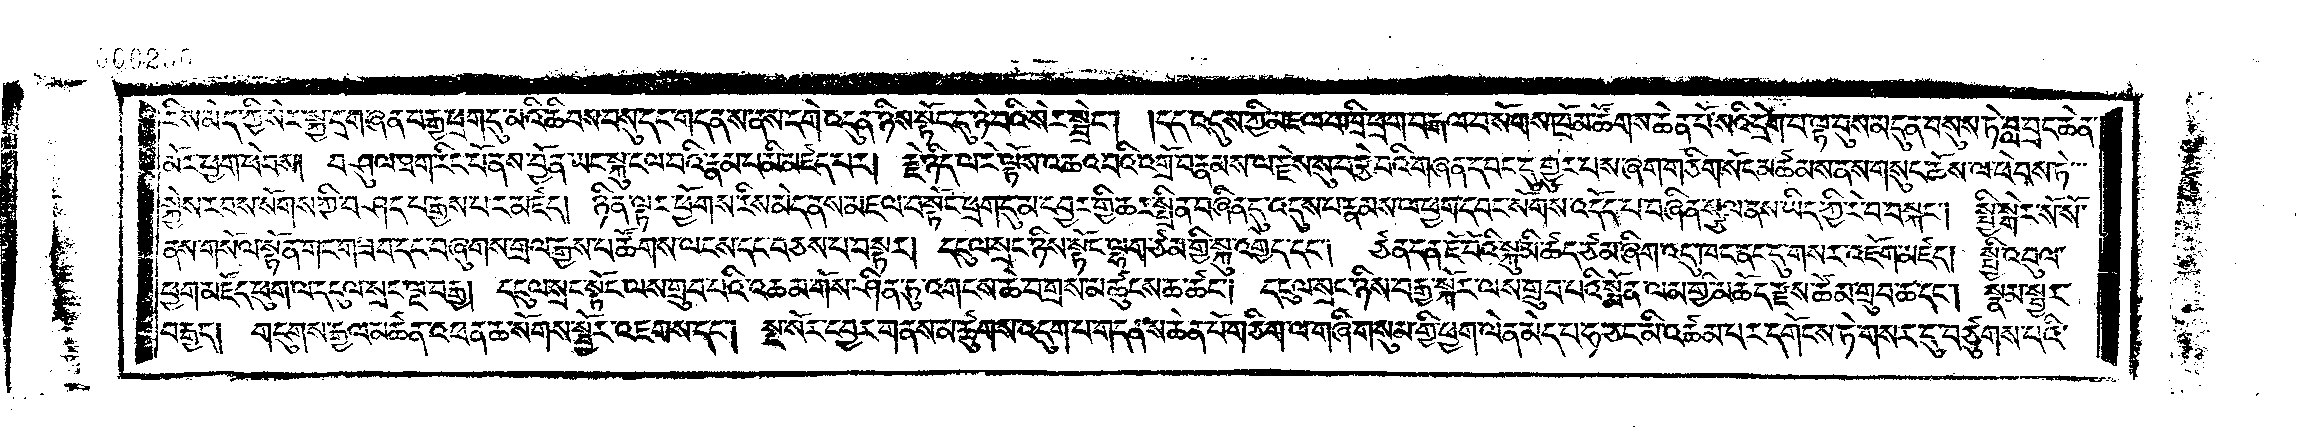རིས་མེད་ཀྱི་སེར་སྐྱ་དྲག་ཞན་བརྒྱ་ཕྲག་དུ་མའི་ཆིབས་བསུ་དང་གདན་ས་ནས་དགེ་འདུན་ཉིས་སྙོང་དུ་ཉེ་བའི་སེར་སྦྲེང་། །དད་འདུས་ཀྱི་མཇལ་བ་ཁྲི་ཕྲག་བརྒལ་བ་སོགས་ཁྲོམ་ཚོགས་ཆེན་པོ་སའི་དྲེག་པ་ལྟ་བུས་མདུན་བསུས་ཏེ་བླ་བྲང་ཆེན་
མོར་ཕྱག་ཕེབས། བཤུལ་ཐག་རིང་པོ་ནས་བྱོན་ཡང་སྐུ་ངལ་བའི་རྣམ་པ་མི་མཛད་པར། རྗེ་ཉིད་ལ་རེ་ལྟོས་འཆའ་བའི་འགྲོ་བ་རྣམས་ལ་རྗེས་སུ་བརྩེ་བའི་གཞན་དབང་དུ་གྱུར་པས་ཞག་གཅིག་སོང་མཚམས་ནས་གསུང་ཆོས་ལ་ཕེབས་ཏེ་
སྐྱེས་རབས་སོགས་ཀྱི་བཤད་པ་རྒྱས་པར་མཛད། ཉིན་ལྟར་ཕྱོགས་རིས་མེད་ནས་མཇལ་བསྟོང་ཕྲག་དུ་མ་དབྱར་གྱི་ཆར་སྤྲིན་བཞིན་དུ་འདུས་པ་རྣམས་ལ་ཕྱག་དབང་སོགས་འདོད་པ་བཞིན་སྩལ་ནས་ཡིད་ཀྱི་རེ་བ་བསྐང་། སྤྱི་སྒེར་སོ་སོ་
ནས་གསོལ་སྟོན་གང་གཟབ་དང་བཞུགས་གྲལ་རྒྱས་པ་ཚོགས་ལངས་དང་བཅས་པ་བསྟར། དངུལ་སྲང་ཉིས་སྟོང་ལྷག་ཙམ་གྱི་སྐུ་འགྱེད་དང་། ཙན་དན་ཇོ་བོའི་སྐུ་མི་ཚད་ཙམ་ཞིག་འདུ་ཁང་ནང་དུ་གསར་འཇོག་མཛད། སྤྱི་འབུལ་
ཕྱག་མཛོད་ཕུག་ལ་དངུལ་སྲང་ལྔ་བརྒྱ། དངུལ་སྲང་སྟོང་ལས་གྲུབ་པའི་འཆམ་གོས་ཤིན་ཏུ་འགངས་ཆེ་བ་གྲས་མཚུངས་ཆ་ཚང་། དངུལ་སྲང་ཉིས་བརྒྱ་སྐོར་ལས་གྲུབ་པའི་སྨོན་ལམ་གྱི་མཆོད་རྫས་ཚེམ་གྲུབ་ཆ་དང་། སྣམ་སྤྱར་
བརྒྱད། གདུགས་རྒྱལ་མཚན་འཕན་ཆ་སོགས་སྦྱོར་འཇགས་དང་། སྔ་སོར་དབྱར་གནས་མ་ཚུགས་འདུག་པ་གདན་ས་ཆེན་པོ་གཅིག་ལ་གཞི་གསུམ་གྱི་ཕྱག་ལེན་མེད་པ་ཧ་ཅང་མི་འཚམ་པར་དགོངས་ཏེ་གསར་དུ་བཙུགས་པའི་